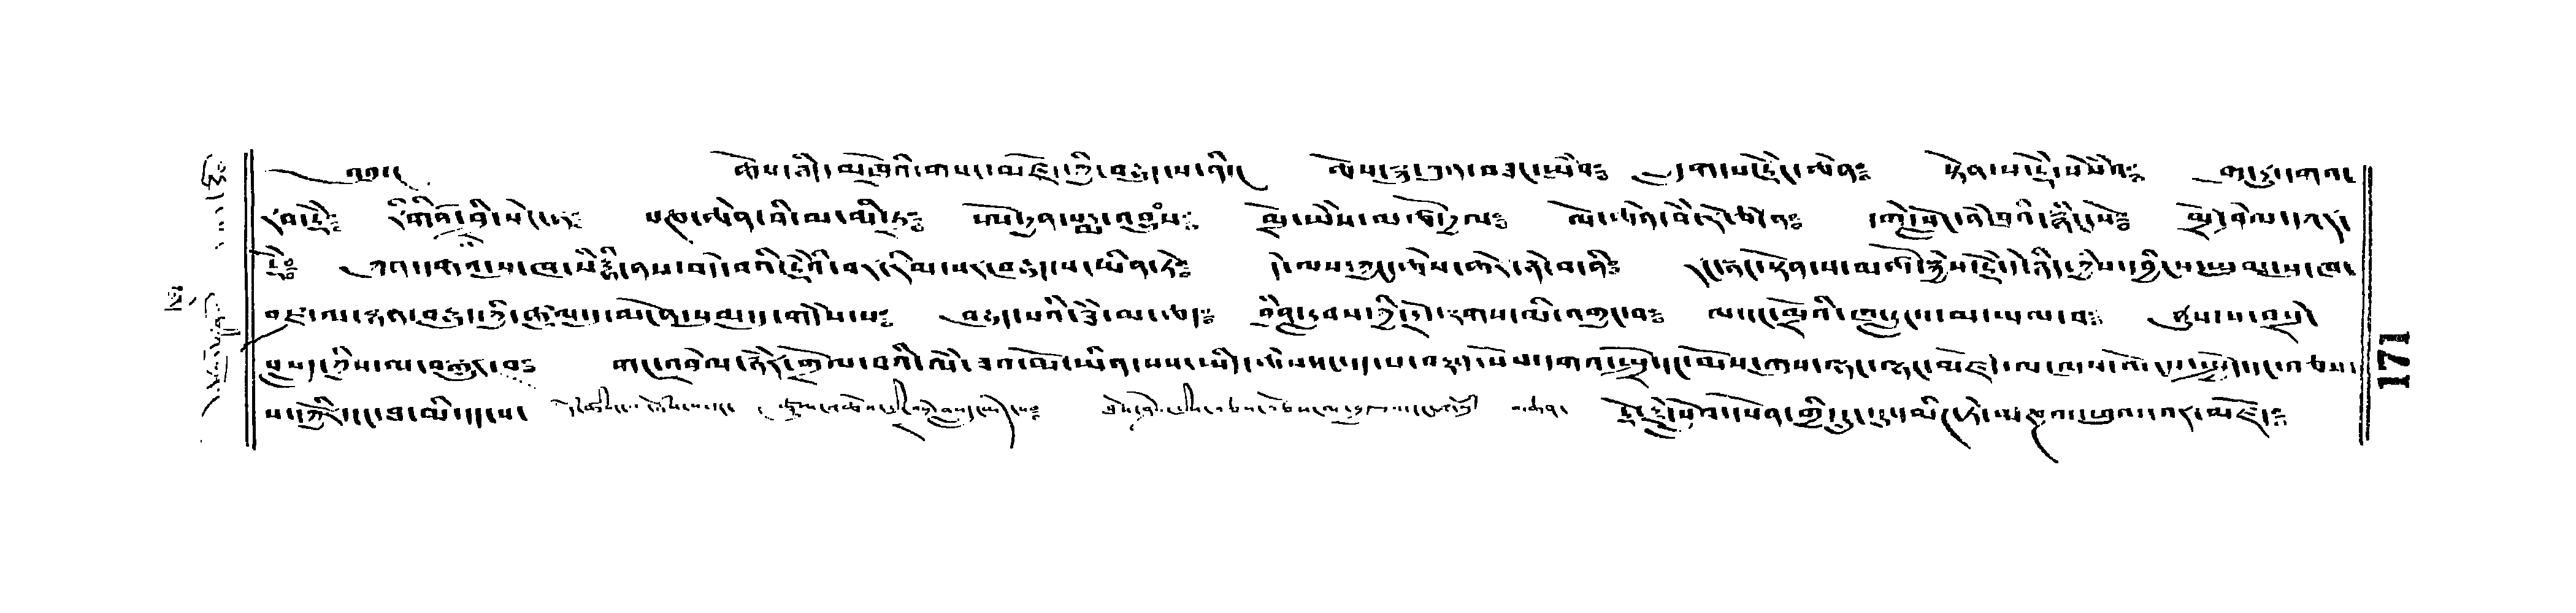ཆོས་ཉིད་མཁའ་འགྲོའི་གསང་མཛོད་ཀྱི་བརྒྱུད་པ་ནི༔ ཆོས་སྐུ་ཀུན་བཟང་ཡབ་ཡུམ༔ དྲུག་པ་རྡོ་རྗེ་འཆང་ཆེན༔ སྟོན་པ་རྡོ་རྗེ་སེམས་དཔའ༔ གུ་རུ་དགའ་
རབ་རྡོ་རྗེ༔ རིག་འཛིན་ཤྲཱི་སེང་ཧ༔ པཎ་ཆེན་བཱི་མ་མི་ཏྲ༔ ཨོ་རྒྱན་པདྨ་འབྱུང་གནས༔ མཁའ་འགྲོ་ཡེ་ཤེས་མཚོ་རྒྱལ༔ ལོ་ཆེན་བཻ་རོ་ཙ་ན༔ དགེ་སློང་ནམ་མཁའི་སྙིང་པོ༔ མཁའ་འགྲོ་ཤེལ་དཀར་
རྡོ་རྗེ༔ ཀུན་དགའ་སུ་ཁ་སིདྡྷི་ནས་བདེ་བའི་རྡོ་རྗེའི་བར་རིམ་པར་བརྒྱུད་པ་ཡིན་ཏེ༔ དེ་ལས་ཀྱང་ཆེས་ཆེར་ཉེ་བ་ནི༔ རང་སྣང་སྟོན་པ་མཚོ་སྐྱེས་རྡོ་རྗེ་དེ་ཉིད་ཀྱིས་དབྱིངས་ཡུམ་སུ་ཁ་
བཛྲ་ལ་སྙན་བརྒྱུད་ཀྱི་ཚུལ་དུ་མངོན་སུམ་དུ་གདམས་པ༔ བརྒྱུད་པའི་ཟམ་མ་ཆད༔ བྱིན་རླབས་ཀྱི་དྲོད་རྟགས་མི་འགྱང་བ༔ མ་དང་མཁའ་འགྲོའི་ཁ་རླངས་མ་ཡལ་བ༔ ནུས་པ་བསྲེ་
བསླད་ཀྱིས་མ་བསྒྱུར་བ༔ དམ་ཚིག་མ་ཉམས་པ་དང་། ཚུལ་འཆོས་ཀྱི་བསྲེ་བསླད་མེད་པ། ཐབས་ཤེས་ཀྱིས་བཅས་བཅོས་མ་བྱས་པ་དང་གསུམ། མཆན། གང་འབྲེལ་རྣམ་པར་གྲོལ་བའི་ལམ་ཟབ་མོ་ཡིན་པས་ཡིད་ཆེས་དང་དད་པ་བརྟན་པོས་དགའ་སྤྲོ་དང་མོས་གུས་ལྷང་ལྷང་མཛོད་ལ་ལུས་ལོངས་སྤྱོད་དང་བཅས་
པ་དཀྱིལ་འཁོར་དང་ཐ་མི་དད་པ། རྡོ་རྗེ་སློབ་དཔོན་གྱི་དྲུང་དུ་དམིགས་ཏེ་མཎྜལ་ཕུལ་བར་མཛོད༔